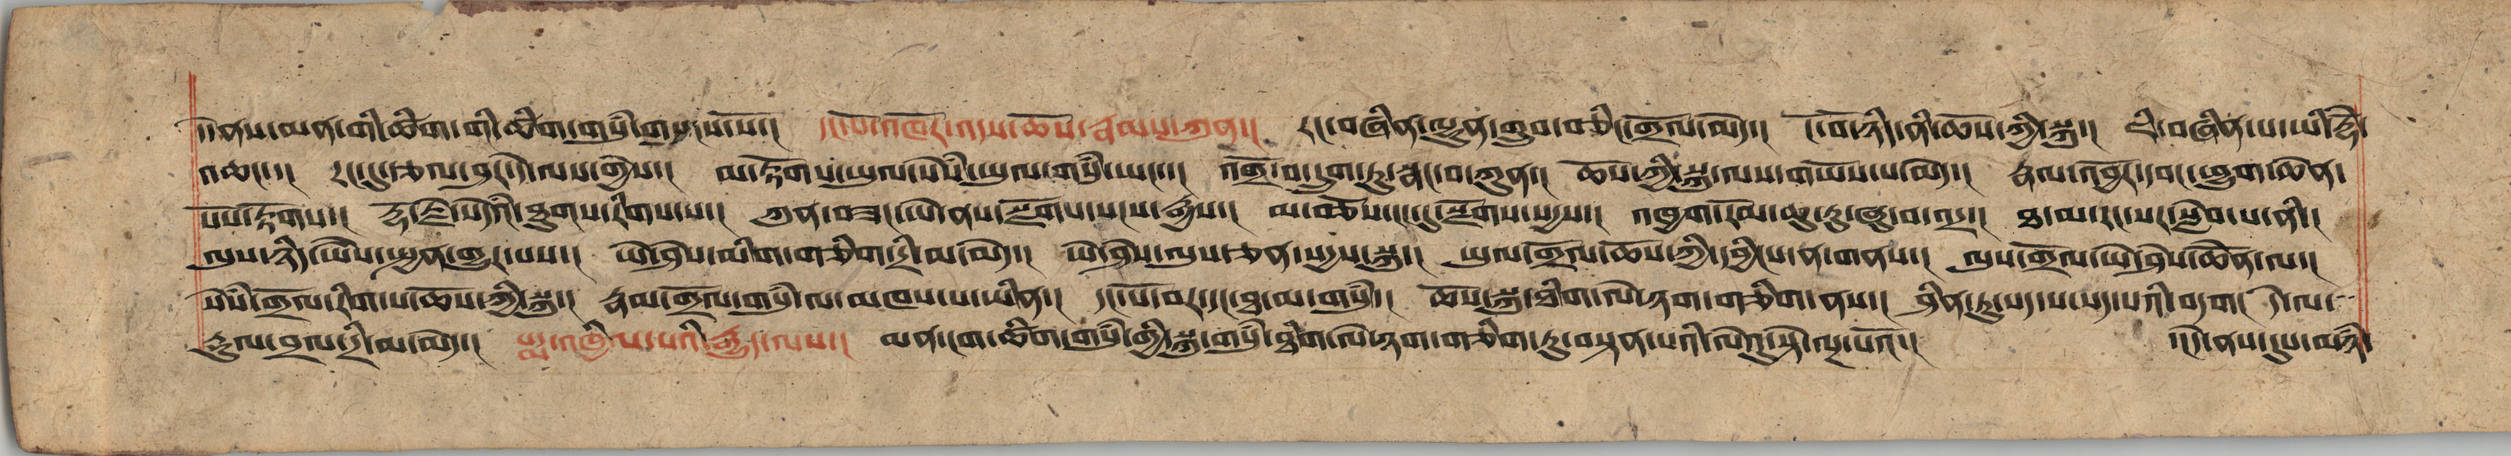དེ་ནས་མན་གི་ཚིག་གི་ཚིག་གསུཾ་གསུངས་སོ་། དང་པོ་འཁོར་འདས་ཆོས་རྣམས་ཀུན་། རང་བཞིན་ལྷུན་གྲུབ་བཅིང་གྲོལ་མེད་། ངོ་བོ་ཉིད་ནི་ཆོས་ཀྱི་སྐུ་། ཇི་བཞིན་པ་ཡི་རྡོེ་
འཆང་་། རང་དུ་རྩལ་ཤར་དེ་ལས་གྱེས་། མ་རྟོགས་ཡུལ་སེསཾ་ཡུལ་གསུཾ་ཡང་་། འགྲོ་བ་དྲུག་ཏུ་སྣང་བ་ཀུན་། ཆོས་ཀྱི་སྐུ་ལས་གཡོས་པ་མེད་། རྣལ་འབྱོར་དབང་ཕྱུག་ཆེན་
པོས་རྟོགས་། རྡོ་རྗེ་སེདའཾ་ཐུགས་རིགས་པ་། ཀུན་བཟང་ཡེ་ནས་སྫོགས་སངས་རྒྱས་། མ་བཅོས་ངང་དུ་སྫོགས་སདྱས་། འཁྱག་རོམ་ཆུ་རུ་ཞུ་བ་འདྲ་། ཐ་མ་རང་སར་སླེབ་པ་ནི་།
ལུས་ཉིད་ཡཻས་སྤྱན་གྱུར་པས་། ཡེ་ཤེས་མིག་གཅིག་དྲི་མ་མདེ་། ཡེ་ཤེས་ལུས་ཅན་སདྱས་སྐུ་། ཡུལ་གྲོལ་ཆོས་ཀྱི་དབྱིངས་ན་གནས་། ལུས་གྲོལ་ཡེ་ཤེས་ཆེནོ་ལ་།
སེཾས་གྲོལ་རིག་པ་ཆོས་ཀྱི་སྐུ་། རྣམ་གྲོལ་གསུཾ་ལ་མཁས་པ་ཡིན་། དང་པོ་བར་དང་ཐ་མ་གསུཾ་། ཆོས་སྐུ་ཐིག་ལེ་ཉག་གཅིག་ནས་། ཤིན་ཏུ་སད་པ་སད་པའི་བདག། དེ་ལ་
རྡུལ་བྲལ་དྲི་མ་མེད་། པདྨ་འཁྱིལ་པའི་རྒྱུད་ལས་། མན་ངག་ཚིག་གསུཾ་གྱི་སྐུ་གསུཾ་ཐིག་ལེ་ཉག་གཅིག་ཏུ་བསྟན་པའི་ལེའུ་སྟེ་ལྔ་པའོ་། ་།དེ་ནས་དུས་མཉཾ་